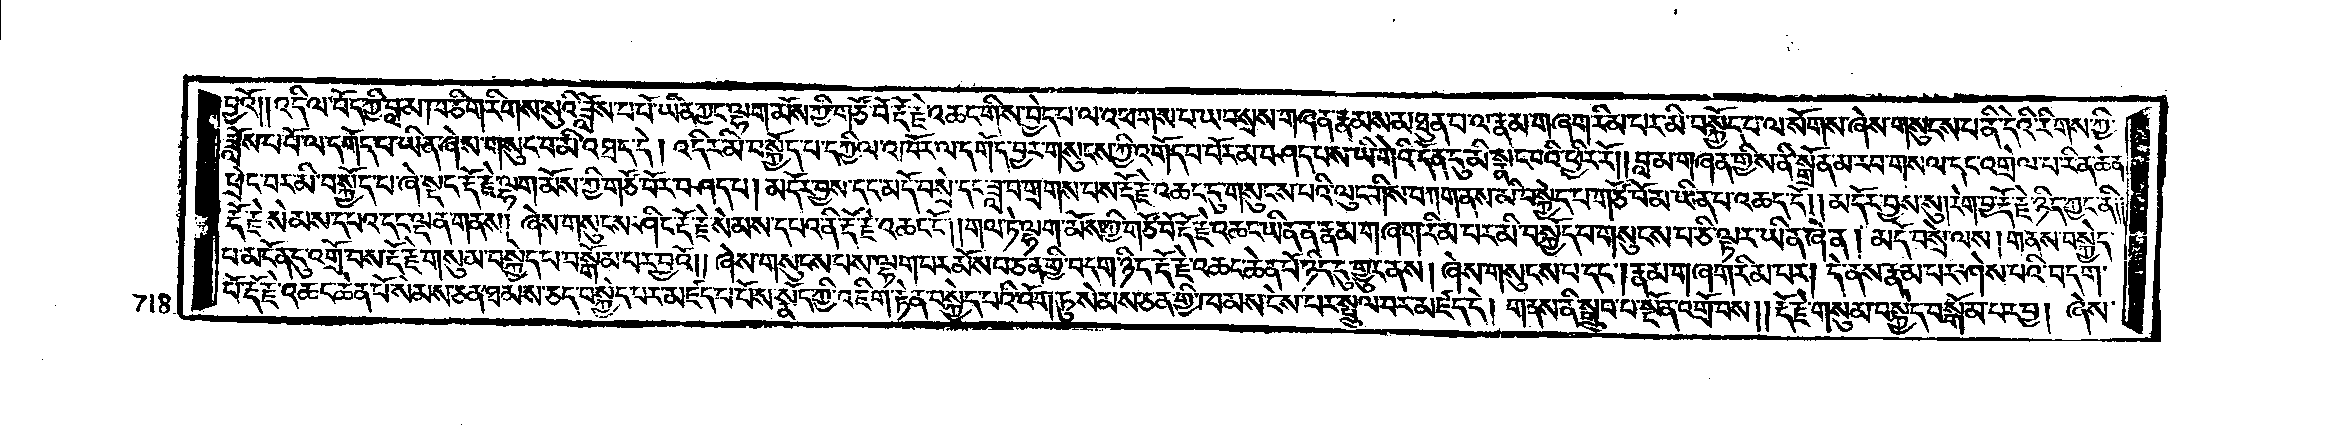བྱའོ། །འདི་ལ་བོད་ཀྱི་བླ་མ་ཁ་ཅིག་རིགས་སུའི་ཟློས་པ་པོ་ཡིན་ཀྱང་ལྷག་མོས་ཀྱི་གཙོ་བོ་རྡོ་རྗེ་འཆང་གིས་བྱེད་པ་ལ་འཕགས་པ་ཡབ་སྲས་གཞན་རྣམས་མཐུན་པ་ལ་རྣམ་གཞག་རིམ་པར་མི་བསྐྱོད་པ་ལ་སོགས་ཞེས་གསུངས་པ་ནི་དེའི་རིགས་ཀྱི་
ཟློས་པ་པོ་ལ་དགོད་པ་ཡིན་ཞེས་གསུང་བ་མི་འཐད་དེ། འདིར་མི་བསྐྱོད་པ་དཀྱིལ་འཁོར་ལ་དགོད་བྱར་གསུངས་ཀྱི་འགོད་པ་པོར་མ་བཤད་པས་ཡི་གེའི་དོན་དུ་མི་སྣང་བའི་ཕྱིར་རོ། །བླ་མ་གཞན་གྱིས་ནི་སྒྲོན་མ་རབ་གསལ་དང་འགྲེལ་པ་རིན་ཆེན་
ཕྲེང་བར་མི་བསྐྱོད་པ་ཞེ་སྡང་རྡོ་རྗེ་ལྷག་མོས་ཀྱི་གཙོ་བོར་བཤད་པ། མདོར་བྱས་དང་མདོ་བསྲེ་དང་ཟླ་བ་གྲགས་པས་རྡོ་རྗེ་འཆང་དུ་གསུངས་པའི་ལུང་གིས་བཀག་ནས་མི་བསྐྱོད་པ་གཙོ་བོ་མ་ཡིན་པ་འཆད་དོ། །མདོར་བྱས་སུ། རེག་བྱ་རྡོ་རྗེ་ཉིད་ཀྱང་ནི། །
རྡོ་རྗེ་སེམས་དཔའ་དང་ལྡན་གནས། ཞེས་གསུངས་ཤིང་རྡོ་རྗེ་སེམས་དཔའ་ནི་རྡོ་རྗེ་འཆང་ངོ། །གལ་ཏེ་ལྷག་མོས་ཀྱི་གཙོ་བོ་རྡོ་རྗེ་འཆང་ཡིན་ན་རྣམ་གཞག་རིམ་པར་མི་བསྐྱོད་པ་གསུངས་པ་ཅི་ལྟར་ཡིན་ཞེ་ན། མདོ་བསྲེ་ལས། གནས་བསྐྱེད་
པ་མངོན་དུ་འགྲོ་བས་རྡོ་རྗེ་གསུམ་བསྐྱེད་པ་བསྒོམ་པར་བྱའོ། །ཞེས་གསུངས་པས་ལྷག་པར་མོས་པ་ཅན་གྱི་བདག་ཉིད་རྡོ་རྗེ་འཆང་ཆེན་པོ་ཉིད་དུ་གྱུར་ནས། ཞེས་གསུངས་པ་དང་། རྣམ་གཞག་རིམ་པར། དེ་ནས་རྣམ་པར་ཤེས་པའི་བདག་
པོ་རྡོ་རྗེ་འཆང་ཆེན་པོ་སེམས་ཅན་ཐམས་ཅད་བསྐྱེད་པར་མཛད་པ་པོས་སྣོད་ཀྱི་འཇིག་རྟེན་བསྐྱེད་པའི་འོག་ཏུ་སེམས་ཅན་གྱི་ཁམས་ངེས་པར་སྤྲུལ་བར་མཛད་དེ། གནས་ནི་སྒྲུབ་པ་སྔོན་འགྲོ་བས། །རྡོ་རྗེ་གསུམ་བསྐྱེད་བསྒོམ་པར་བྱ། ཞེས་